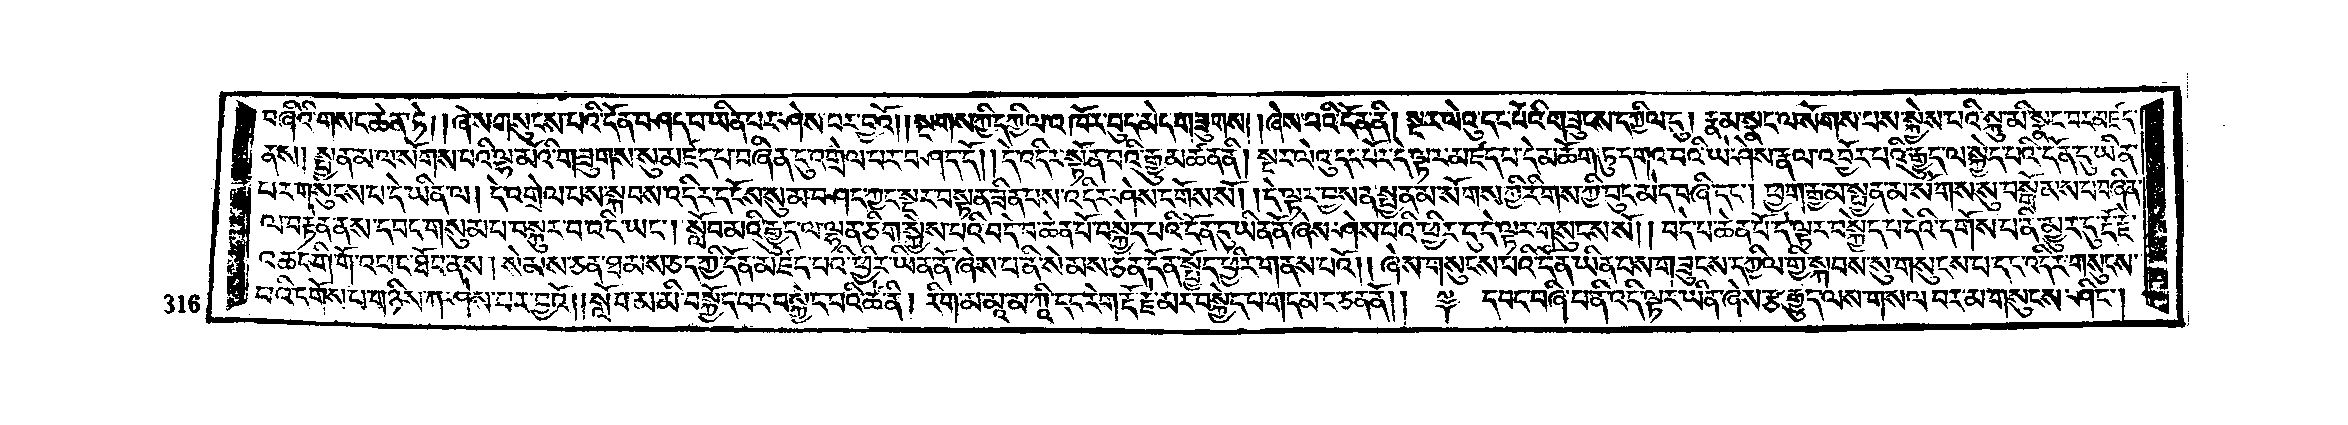བཞིའི་གསང་ཆེན་ཏེ། །ཞེས་གསུངས་པའི་དོན་བཤད་པ་ཡིན་པར་ཤེས་པར་བྱའོ། །སྔགས་ཀྱི་དཀྱིལ་འཁོར་བུད་མེད་གཟུགས། །ཞེས་པའི་དོན་ནི། སྔར་ལེའུ་དང་པོའི་གཟུངས་དཀྱིལ་དུ། རྣམ་སྣང་ལ་སོགས་པས་སྐྱེས་པའི་སྐུ་མི་སྣང་བར་མཛད་
ནས། སྤྱན་མ་ལ་སོགས་པའི་ལྷ་མོའི་གཟུགས་སུ་མཛད་པ་བཞིན་དུ་འགྲེལ་པར་བཤད་དོ། །དེ་འདིར་སྟོན་པའི་རྒྱུ་མཚན་ནི། སྔར་ལེའུ་དང་པོར་དེ་ལྟར་མཛད་པ་དེ་མཆོག་ཏུ་དགའ་བའི་ཡེ་ཤེས་རྣལ་འབྱོར་པའི་རྒྱུད་ལ་སྐྱེད་པའི་དོན་དུ་ཡིན་
པར་གསུངས་པ་དེ་ཡིན་ལ། དེ་འགྲེལ་པས་སྐབས་འདིར་དངོས་སུ་མ་བཤད་ཀྱང་སྔར་བསྟན་ཟིན་པས་འདིར་ཤེས་དགོས་སོ། །དེ་ལྟར་བྱས་ན་སྤྱན་མ་སོགས་ཀྱི་རིགས་ཀྱི་བུད་མེད་བཞི་དང་། ཕྱག་རྒྱ་མ་སྤྱན་མ་སོགས་སུ་བསྒོམས་པ་བཞིན་
ལ་བརྟེན་ནས་དབང་གསུམ་པ་བསྐུར་བ་འདི་ཡང་། སློབ་མའི་རྒྱུད་ལ་ལྷན་ཅིག་སྐྱེས་པའི་བདེ་བ་ཆེན་པོ་བསྐྱེད་པའི་དོན་དུ་ཡིན་ནོ་ཞེས་ཤེས་པའི་ཕྱིར་དུ་དེ་ལྟར་གསུངས་སོ། །བདེ་བ་ཆེན་པོ་དེ་ལྟར་བསྐྱེད་པ་དེའི་དགོས་པ་ནི་མྱུར་དུ་རྡོ་རྗེ་
འཆང་གི་གོ་འཕང་ཐོབ་ནས། སེམས་ཅན་ཐམས་ཅད་ཀྱི་དོན་མཛད་པའི་ཕྱིར་ཡིན་ནོ་ཞེས་པ་ནི་སེམས་ཅན་དོན་སྤྱོད་ཕྱིར་གནས་པའོ། །ཞེས་གསུངས་པའི་དོན་ཡིན་པས་གཟུངས་དཀྱིལ་གྱི་སྐབས་སུ་གསུངས་པ་དང་འདིར་གསུངས་
པའི་དགོས་པ་གཉིས་ཀ་ཤེས་པར་བྱའོ། །སློབ་མ་མི་བསྐྱོད་པར་བསྐྱེད་པའི་ཚེ་ནི། རིག་མ་མཱ་མ་ཀཱི་དང་རེག་རྡོ་རྗེ་མར་བསྐྱེད་པ་གདམ་ང་ཅན་ནོ།། ༈ དབང་བཞི་པ་ནི་འདི་ལྟར་ཡིན་ཞེས་རྩ་རྒྱུད་ལས་གསལ་བར་མ་གསུངས་ཤིང་།